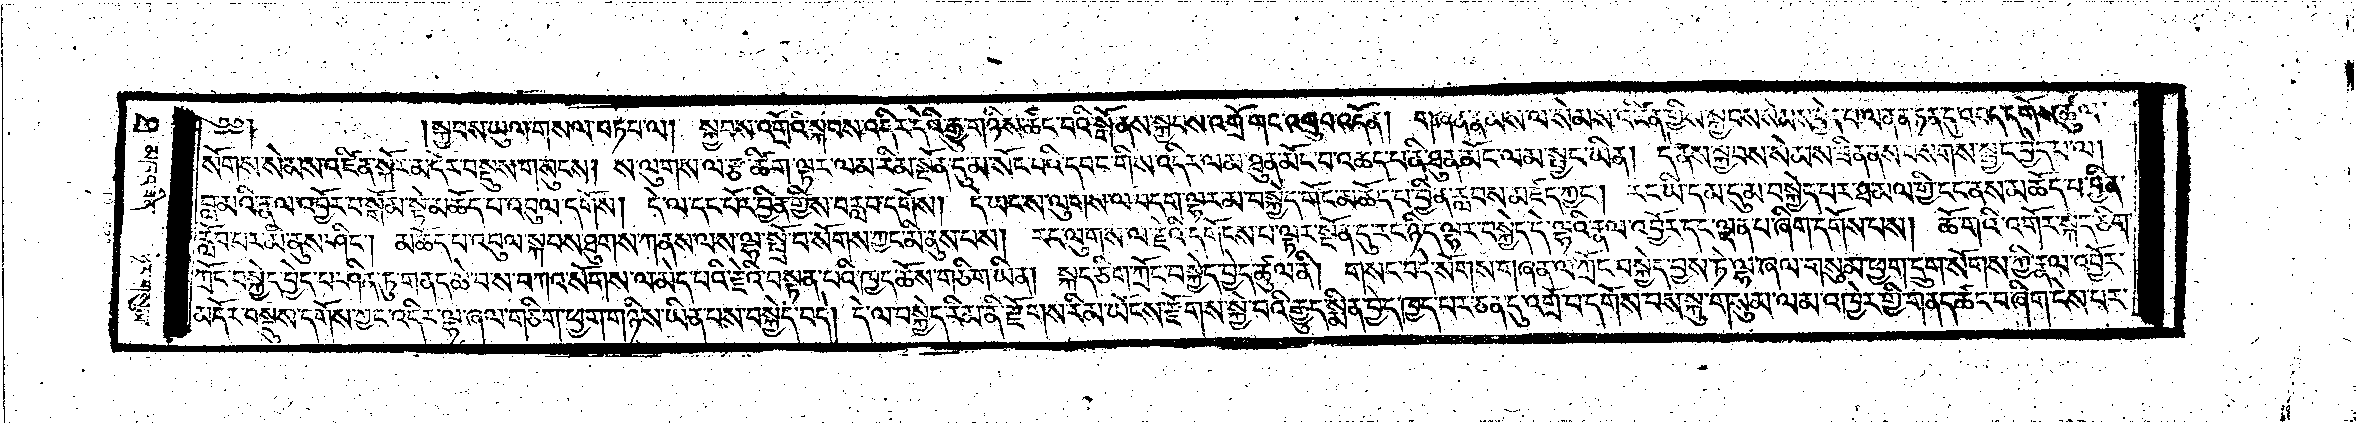༄༅། །སྐྱབས་ཡུལ་གསལ་བཏབ་ལ། སྐྱབས་འགྲོའི་སྐབས་འདིར་དེའི་རྒྱུ་གཉིས་ཚང་བའི་སྒོ་ནས་སྐྱབས་འགྲོ་གང་འགྲུབ་འདོན། གཞན་རྣམས་ལ་སེམས་འཛིན་གྱིས་སྐྱབས་སེམས་བྱེད་པ་ལ་ནན་ཏན་དུ་འབད་དགོས་ཚུལ་
སོགས་སེམས་འཛིན་སྐོར་མདོར་བསྡུས་གསུངས། ས་ལུགས་ལ་རྩ་ཚིག་ལྟར་ལམ་རིམ་སྔོན་དུ་མ་སོང་བའི་དབང་གིས་འདིར་ལམ་ཐུན་མོང་བ་འཆད་པ་ནི་ཐུན་མོང་ལམ་སྦྱང་ཡིན། དེ་ནས་སྐྱབས་སེམས་ཟིན་ནས་བསགས་སྦྱང་བྱེད་པ་ལ།
བླ་མའི་རྣལ་འབྱོར་བསྒོམ་སྟེ་མཆོད་པ་འབུལ་དགོས། དེ་ལ་དང་པོར་བྱིན་གྱིས་བརླབ་དགོས། དེ་ཡངས་ལུགས་ལ་བདག་ལྷར་མ་བསྐྱེད་གོང་མཆོད་པ་བྱིན་རླབས་མཛད་ཀྱང་། རང་ཡི་དམ་དུ་མ་བསྐྱེད་པར་ཐ་མལ་གྱི་ངང་ནས་མཆོད་པ་བྱིན་
རློབ་པར་མི་ནུས་ཤིང་། མཆོད་པ་འབུལ་སྐབས་ཐུགས་ཀ་ནས་ལས་ལྷ་སྤྲོ་བ་སོགས་ཀྱང་མི་ནུས་པས། རང་ལུགས་ལ་རྗེའི་དགོངས་པ་ལྟར་སྔོན་དུ་རང་ཉིད་ལྷར་བསྐྱེད་དེ་ལྷའི་རྣལ་འབྱོར་དང་ལྡན་པ་ཞིག་དགོས་པས། ཆོ་གའི་འགོར་སྐད་ཅིག་
ཀྲོང་བསྐྱེད་བྱེད་པ་ཤིན་ཏུ་གནད་ཆེ་བས་བཀའ་སོགས་ལ་མེད་པའི་རྗེའི་བསྟན་པའི་ཁྱད་ཆོས་གཅིག་ཡིན། སྐད་ཅིག་ཀྲོང་བསྐྱེད་བྱེད་ཚུལ་ནི། གསང་བདེ་སོགས་གཞན་ལ་ཀྲོང་བསྐྱེད་བྱས་ཏེ་ལྷ་ཞལ་གསུམ་ཕྱག་དྲུག་སོགས་ཀྱི་རྣལ་འབྱོར་
མདོར་བསྡུས་དགོས་ཀྱང་འདིར་ལྷ་ཞལ་གཅིག་ཕྱག་གཉིས་ཡིན་པས་བསྐྱེད་བདེ། དེ་ལ་བསྐྱེད་རིམ་ནི་རྫོགས་རིམ་ཡོངས་རྫོགས་སྐྱེ་བའི་རྒྱུད་སྨིན་བྱེད་ཁྱད་པར་ཅན་དུ་འགྲོ་བ་དགོས་པས་སྐུ་གསུམ་ལམ་འཁྱེར་གྱི་གནད་ཚང་བ་ཞིག་ངེས་པར་